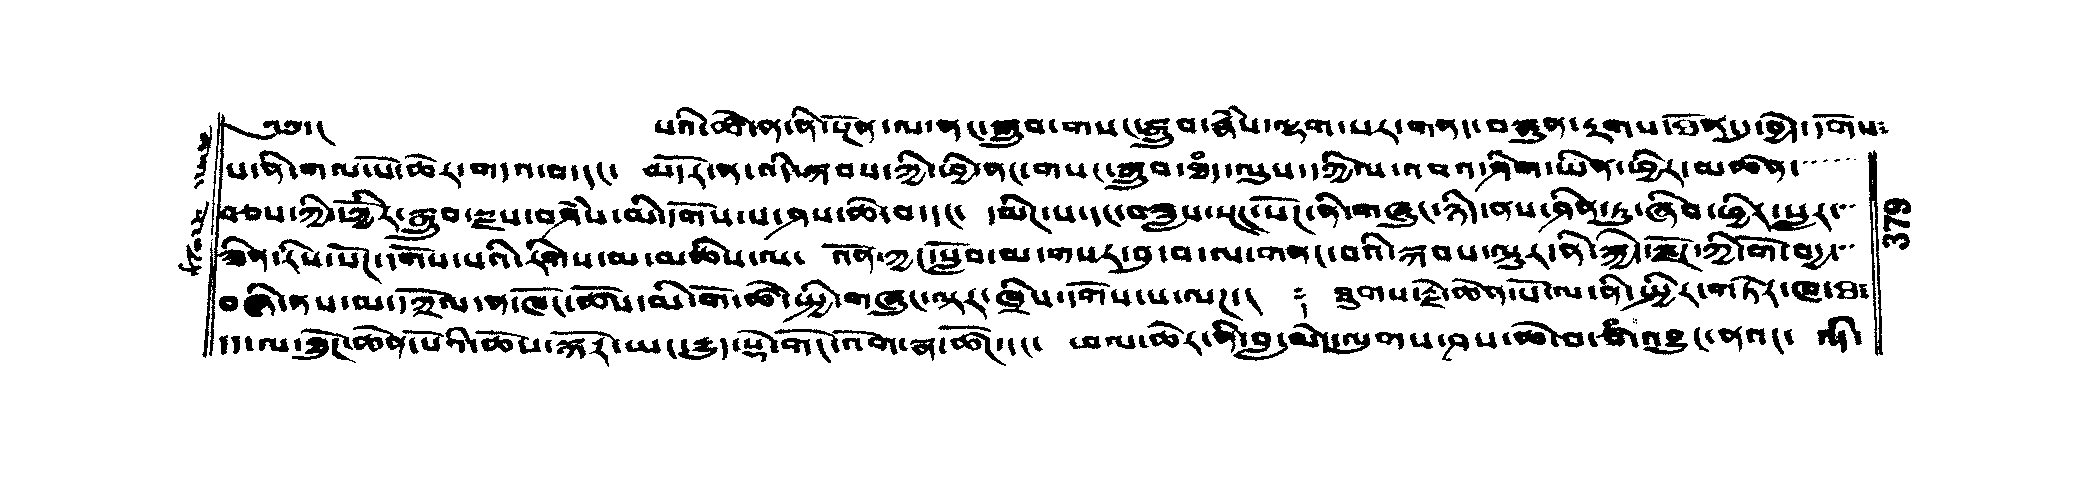པའི་ཚེ་ན་ནི་སྔོན་ལ་ནང་སྒྲུབ་གསང་སྒྲུབ་རྣམས་ལྷག་པར་གནད་བསྣུན་རྟགས་ཐོན་དུ་བྱེད་དགོས་
པ་ནི་གལ་པོ་ཆེར་གདའ་བ་དང་། མདོར་་ན་འདི་སྐབས་ཀྱི་ཕྱི་ནང་གསང་སྒྲུབ་ཐམས་ཅད་ལུས་དཀྱིལ་འབའ་ཤིག་ཡིན་ཕྱིར་མཚན་
བཅས་ཀྱི་དཀྱིལ་འཁོར་སྒྲུབ་རྫས་བཤམས་མི་དགོས་པ་ཤས་ཆེ་བ་དང་། དམིགས་པ་དང་བཟླས་པ་སྔགས་སོགས་ནི་གཞུང་ཉིད་ནས་ཤིན་ཏུ་ཞིབ་ཕྱིར་སླར་
ཟིན་རིས་སོགས་དགོས་པའི་རིགས་མ་མཆིས་ལ། འོནཀྱང་སློབ་མ་གསར་བུ་བ་ལ་གནང་བའི་སྐབས་ལྟ་བུར་ནི་བསྐྱེད་རྫོགས་ཀྱི་གོ་བྱ་
བཞི་ནས་མ་དཀྲོལ་ན་ཁོང་ཚོས་མི་གོ་ཚོ་སྤྱི་གཞུང་ལྟར་ཁྲིས་དགོས་པ་ལགས།༈ ཐུགས་རྗེ་ཆེན་པོ་ལ་ནི་སྤྱིར་གཏོར་ཁ་ཐ་
དད་ལ་ཐུགས་རྗེ་ཆེན་པོའི་ཆོས་སྐོར་ཡང་རྒྱུད་སྡེ་གོང་འོག་སྣ་ཚོགས་དང་། ཕལ་ཆེར་ནི་བླ་མེད་ལུགས་ཤས་ཆེ་བ་ཙམ་བྱུང་ནའང་། འདི་